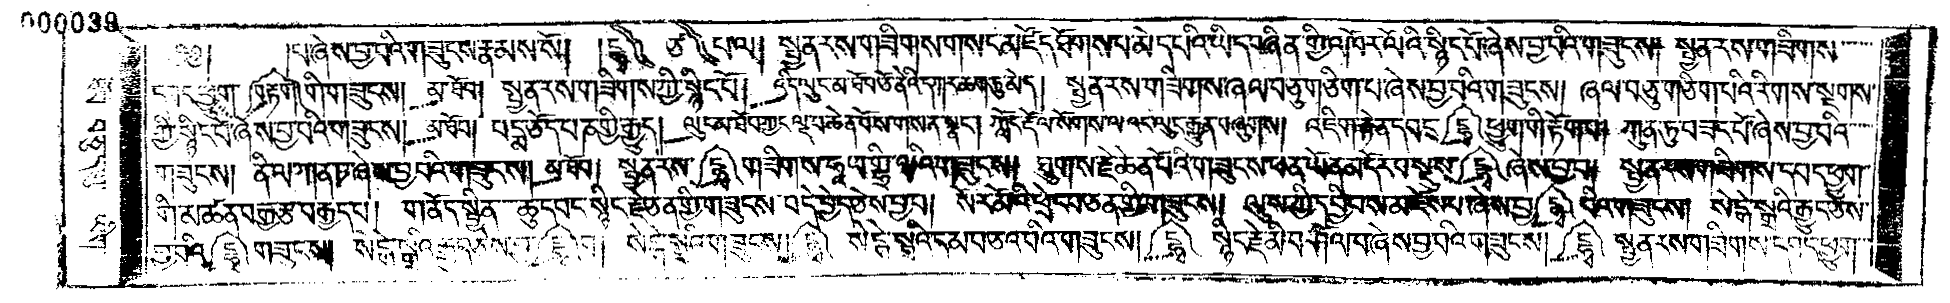༄༅། །པ་ཞེས་བྱ་བའི་གཟུངས་རྣམས་སོ། །དྷྭ༼༽ ཙ༼༽ པ་ལ། སྤྱན་རས་གཟིགས་གསང་མཛོད་ཐོགས་པ་མེད་པའི་ཡིད་བཞིན་གྱི་འཁོར་ལོའི་སྙིང་པོ་ཞེས་བྱ་བའི་གཟུངས། སྤྱན་རས་གཟིགས་
དབང་ཕྱུག་༼བརྟག༽་གི་གཟུངས་མ་ཐོབ།  སྤྱན་རས་གཟིགས་ཀྱི་སྙིང་པོ་འདི་ལུང་མ་ཐོབ་ཅོ་ནེའི་དཀར་ཆག་ཏུ་མེད།  སྤྱན་རས་གཟིགས་ཞལ་བཅུ་གཅིག་པ་ཞེས་བྱ་བའི་གཟུངས། ཞལ་བཅུ་གཅིག་པའི་རིགས་སྔགས་
ཀྱི་སྙིང་པོ་ཞེས་བྱ་བའི་གཟུངས་མ་ཐོབ།  པདམ་ཅོད་པཎ་གྱི་རྒྱུད་ལུང་མ་ཐོབ་ཀྱང་ལྔ་པ་ཆེན་པོས་གསན་སྣང་། ཀློང་རྡོ་ལ་སོགས་ལའང་ལུང་རྒྱུན་བཞུགས།  འཇིག་རྟེན་དབང་༼དྷྭ༽་ཕྱུག་གི་རྟོག་པ། ཀུན་ཏུ་བཟང་པོ་ཞེས་བྱ་བའི་
གཟུངས། ནི་ལ་ཀན་ཊཿཨ་ཞེས་བྱ་བའི་གཟུངས་མ་ཐོབ།  སྤྱན་རས་༼དྷྭ༽་གཟིགས་ཧཱཡ་གྷྲི་ཝའི་གཟུངས། ཐུགས་རྗེ་ཆེན་པོའི་གཟུངས་ཕན་ཡོན་མདོར་བསྡུས་༼དྷྭ༽་ཞེས་བྱ་བ། སྤྱན་རས་གཟིགས་དབང་ཕྱུག་
གི་མཚན་བརྒྱ་རྩ་བརྒྱད་པ། གནོད་སྤྱིན་ཆུ་དབང་སྙིང་རྗེ་ཅན་གྱི་གཟུངས་བདེ་བྱེད་ཅེས་བྱ་བ། སོར་མོའི་ཕྲེང་བ་ཅན་གྱི་གཟུངས། ལུས་ཀྱི་དབྱིབས་མཛེས་པ་ཞེས་བྱ་༼དྷྭ༽་བའི་གཟུངས། སེངྒེ་སྒྲའི་རྒྱུད་ཅེས་
བྱ་བའི་༼དྷྭ༽་གཟུངས། སེངྒེ་སྒྲའི་རྒྱུད་ཅེས་བྱ་༼དྷྭ༽་བ། སེངྒེ་སྒྲའི་གཟུངས་༼དྷྭ༽་སེངྒེ་སྒྲའི་དམ་བཅའ་བའི་གཟུངས་༼དྷྭ༽་སྙིང་རྗེ་མི་བཤོལ་བ་ཞེས་བྱ་བའི་གཟུངས་༼དྷྭ༽་སྤྱན་རས་གཟིགས་དབང་ཕྱུག་